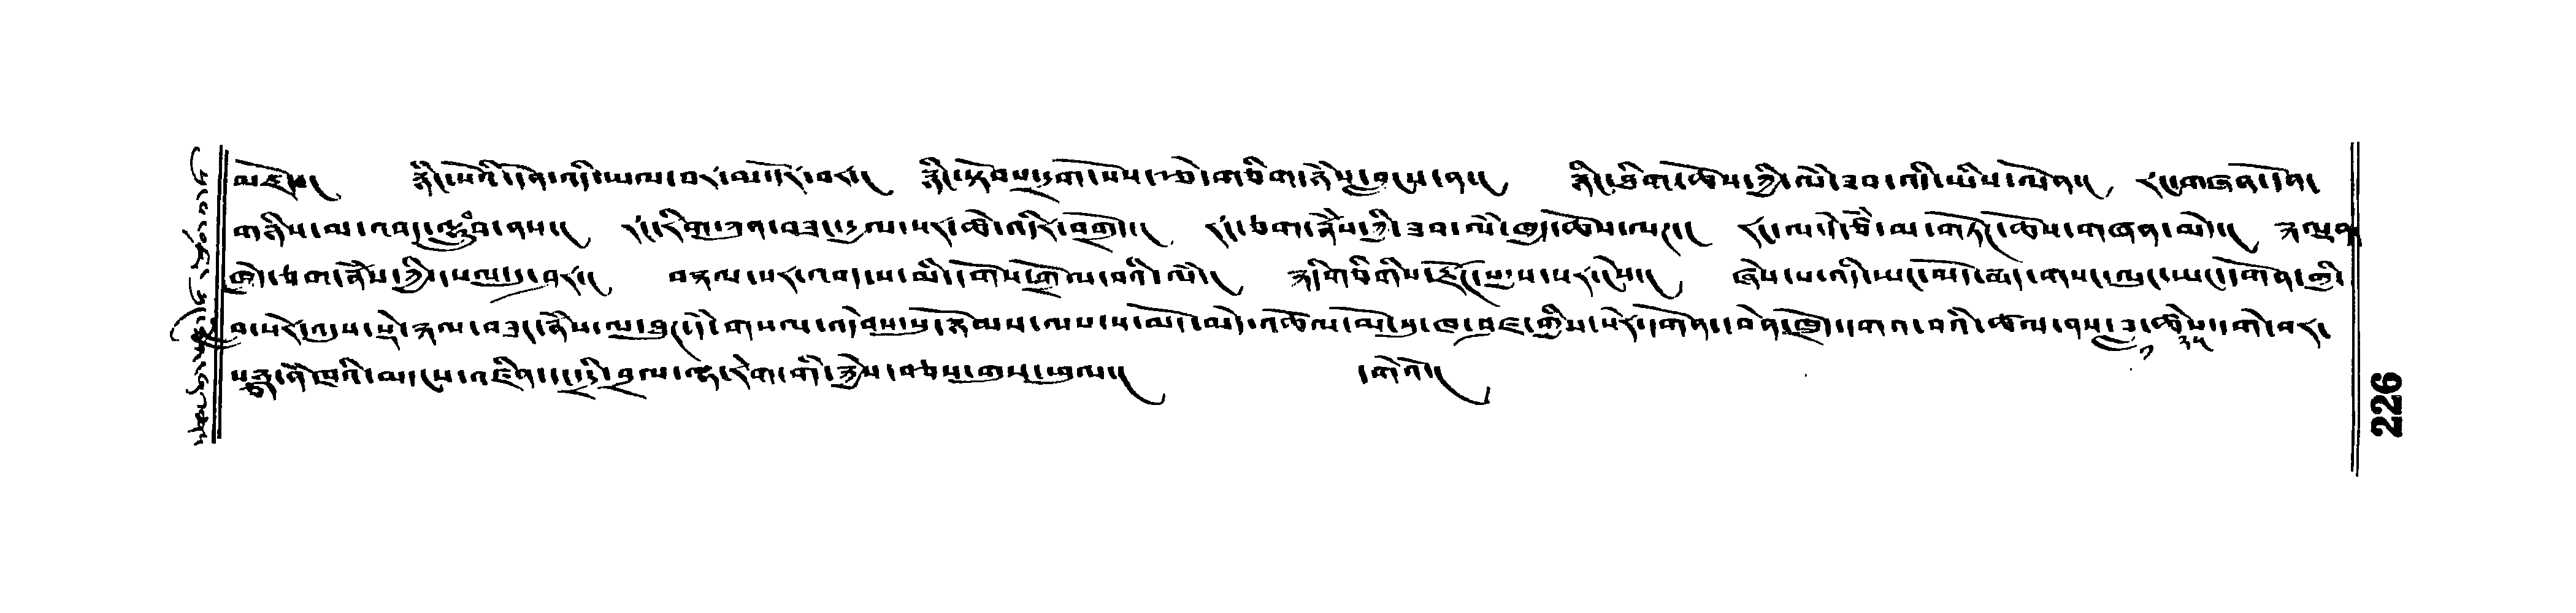མཛོད། །སྙིང་པོའི་དོན་འདི་ཡལ་བར་མ་དོར་བར། །སྙིང་སྟོབས་དྲག་པོས་རྩེ་གཅིག་ཉམས་བླངས་ན། །སྙིང་ཐིག་ཆོས་ཀྱི་ལམ་ཟབ་འདི་ཡིས་ལོན། །རང་གཞན་དོན་
གཉིས་མ་འབད་ལྷུན་གྲུབ་ནས། །རང་རིག་ཀུན་བཟང་རྒྱལ་སར་ཚེ་འདིར་བགྲོད། །རང་ཅག་རྣམས་ཀྱི་ཟབ་ལམ་ཁྱད་ཆོས་ལགས། །རང་ལ་དེ་ཙམ་མ་གཏོགས་ཆོས་གཞན་མེད། །སྐལ་ལྡན་
ཁྱེད་ཅག་རྣམས་ཀྱི་དཔལ་དུ་ཤར། །བསྐལ་པར་འབད་པ་མི་དགོས་གྲོལ་བའི་ལམ། །སྐད་ཅིག་གཅིག་གིས་རྫོགས་སངས་རྒྱས་པར་ངེས། །ཞེས་པ་འདི་ཡང་མདོ་སྨད་གསང་ལུང་ཡང་དགོན་གྱི་
བླ་སེར་འདུས་སྡེ་སྐལ་བཟང་རྣམས་ལ་ཐུགས་དམ་གསལ་འདེབས་སུ་སྙོམས་ལས་པ་མདོ་མེད་འཆོལ་མོ་སུ་ཁ་བཛྲ་གྱིས་སེར་དགོན་དབེན་ཁྲོད་དགའ་བའི་ཚལ་ནས་ཟླ་བ་དང་པོའི་ཚེས་གཉིས་དགེ་བར་
པཉྩ་ནམ་མཁའི་མདངས་འཛིན་དང་དྲི་བྲལ་ལྷ་རེག་གི་སྐྱེས་བཅས་གུས་ཕུལ། དགེའོ།།